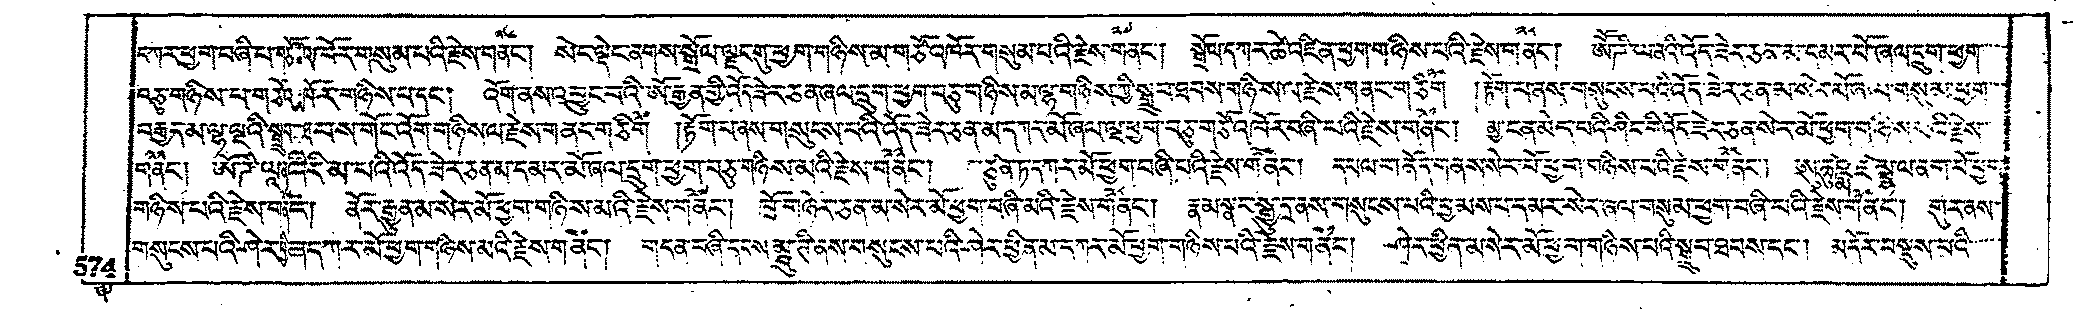དཀར་ཕྱག་བཞི་པ་གཙོ་འཁོར་གསུམ་པའི་རྗེས་གནང་། སེང་ལྡེང་ནགས་སྒྲོལ་ལྗང་གུ་ཕྱག་གཉིས་མ་གཙོ་འཁོར་གསུམ་པའི་རྗེས་གནང་། སྒྲོལ་དཀར་ཚེ་འཛིན་ཕྱག་གཉིས་པའི་རྗེས་གནང་། ཨཽ་ཌི་ཡ་ནའི་འོད་ཟེར་ཅན་མ་དམར་པོ་ཞལ་དྲུག་ཕྱག་
བཅུ་གཉིས་པ་གཙོ་འཁོར་གཉིས་པ་དང་། འོག་ནས་འབྱུང་བའི་ཨོ་རྒྱན་གྱི་འོད་ཟེར་ཅན་ཞལ་དྲུག་ཕྱག་བཅུ་གཉིས་མ་ལྷ་གཉིས་ཀྱི་སྒྲུབ་ཐབས་གཉིས་ལ་རྗེས་གནང་གཅིག །རྟོག་པ་ནས་གསུངས་པའི་འོད་ཟེར་ཅན་མ་སེར་མོ་ཞལ་གསུམ་ཕྱག་
བརྒྱད་མ་ལྷ་ལྔའི་སྒྲུབ་ཐབས་གོང་འོག་གཉིས་ལ་རྗེས་གནང་གཅིག །རྟོག་པ་ནས་གསུངས་པའི་འོད་ཟེར་ཅན་མ་དཀར་མོ་ཞལ་ལྔ་ཕྱག་བཅུ་གཙོ་འཁོར་བཞི་པའི་རྗེས་གནང་། མྱ་ངན་མེད་པའི་ཤིང་གི་འོད་ཟེར་ཅན་སེར་མོ་ཕྱག་གཉིས་མའི་རྗེས་
གནང་། ཨོ་ཌི་ཡཱ་ནའི་རིམ་པའི་འོད་ཟེར་ཅན་མ་དམར་མོ་ཞལ་དྲུག་ཕྱག་བཅུ་གཉིས་མའི་རྗེས་གནང་། བཙུན་ཏ་དཀར་མོ་ཕྱག་བཞི་པའི་རྗེས་གནང་། དཔལ་གནོད་གནས་སེར་པོ་ཕྱག་གཉིས་པའི་རྗེས་གནང་། ཨུ་ཚུཥྨ་ཛ་མྦྷ་ལ་ནག་པོ་ཕྱག་
གཉིས་པའི་རྗེས་གནང་། ནོར་རྒྱུན་མ་སེར་མོ་ཕྱག་གཉིས་མའི་རྗེས་གནང་། ཁྲོ་གཉེར་ཅན་མ་སེར་མོ་ཕྱག་བཞི་མའི་རྗེས་གནང་། རྣམ་སྣང་སྒྱུ་དྲ་ནས་གསུངས་པའི་བྱམས་པ་དམར་སེར་ཞལ་གསུམ་ཕྱག་བཞི་པའི་རྗེས་གནང་། གུར་ནས་
གསུངས་པའི་ཤེར་ཕྱིན་དཀར་མོ་ཕྱག་གཉིས་མའི་རྗེས་གནང་། གདན་བཞི་དང་སམྦུ་ཊི་ནས་གསུངས་པའི་ཤེར་ཕྱིན་མ་དཀར་མོ་ཕྱག་གཉིས་པའི་རྗེས་གནང་། ཤེར་ཕྱིན་མ་སེར་མོ་ཕྱག་གཉིས་པའི་སྒྲུབ་ཐབས་དང་། མདོར་བསྡུས་པའི་